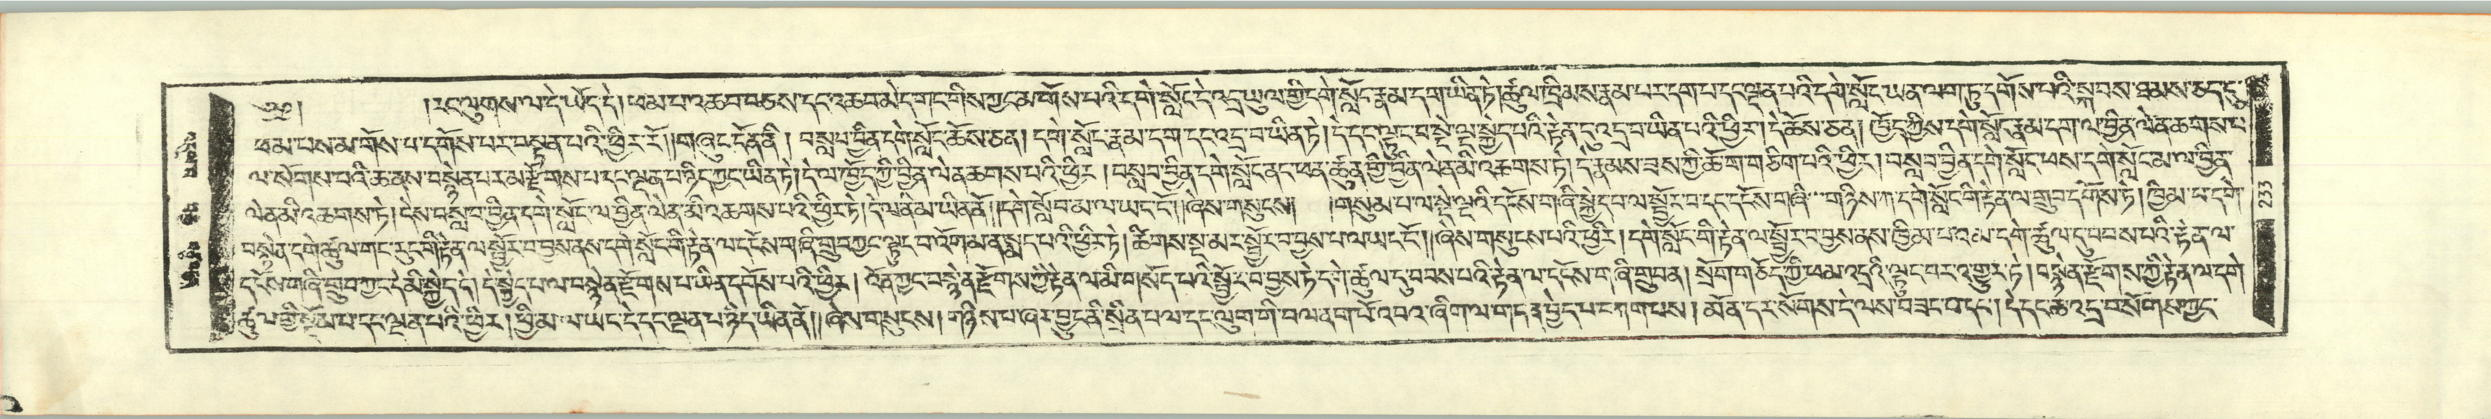༄༅། །རང་ལུགས་ལ་དེ་ཡོད་དེ། ཕམ་པ་འཆབ་བཅས་དང་འཆབ་མེད་གང་གིས་ཀྱང་མ་གོས་པའི་དགེ་སློང་དེ་འདྲ་ཡུལ་གྱི་དགེ་སློང་རྣམ་དག་ཡིན་ཏེ། ཚུལ་ཁྲིམས་རྣམ་པར་དག་པ་དང་ལྡན་པའི་དགེ་སློང་ཡན་ལག་ཏུ་དགོས་པའི་སྐབས་ཐམས་ཅད་དུ་
ཕམ་པས་མ་གོས་པ་དགོས་པར་བསྟན་པའི་ཕྱིར་རོ། །གཞུང་དོན་ནི། བསླབ་བྱིན་དགེ་སློང་ཆོས་ཅན། དགེ་སློང་རྣམ་དག་དང་འདྲ་བ་ཡིན་ཏེ། དེ་དང་ལྟུང་བ་སྡེ་ལྔ་སྐྱེད་པའི་རྟེན་དུ་འདྲ་བ་ཡིན་པའི་ཕྱིར། དེ་ཆོས་ཅན། ཁྱོད་ཀྱིས་དགེ་སློང་རྣམ་དག་ལ་བྱིན་ལེན་ཆགས་པ་
ལ་སོགས་པའི་ཆ་ནས་བསྙེན་པར་མ་རྫོགས་པ་དང་ལྡན་པ་ཉིད་ཀྱང་ཡིན་ཏེ། དེ་ལ་ཁྱོད་ཀྱི་བྱིན་ལེན་ཆགས་པའི་ཕྱིར། བསླབ་བྱིན་དགེ་སློང་ནང་ཕན་ཚུན་གྱི་བྱིན་ལེན་མི་འཆགས་ཏེ། དེ་རྣམས་ཟས་ཀྱི་ཆོ་ག་གཅིག་པའི་ཕྱིར། བསླབ་བྱིན་དགེ་སློང་ཕས་དགེ་སློང་མ་ལ་བྱིན་
ལེན་མི་འཆགས་ཏེ། དེས་བསླབ་བྱིན་དགེ་སློང་ལ་བྱིན་ལེན་མི་འཆགས་པའི་ཕྱིར་ཏེ། དེ་ལ་ནི་མ་ཡིན་ནོ། །དགེ་སློབ་མ་ལ་ཡང་ངོ། །ཞེས་གསུངས། །གསུམ་པ་ལ་སྡེ་ལྔའི་དངོས་གཞི་སྐྱེད་པ་ལ་སྦྱོར་བ་དང་དངོས་གཞི་གཉིས་ཀ་དགེ་སློང་གི་རྟེན་ལ་གྲུབ་དགོས་ཏེ། ཁྱིམ་པ་དགེ་
བསྙེན་དགེ་ཚུལ་གང་རུང་གི་རྟེན་ལ་སྦྱོར་བ་བྱས་ནས་དགེ་སློང་གི་རྟེན་ལ་དངོས་གཞི་གྲུབ་ཀྱང་ལྟུང་བ་འོག་མ་ན་སྨད་པའི་ཕྱིར་ཏེ། ཚིགས་སྔ་མར་སྦྱོར་བ་བྱས་པ་ལ་ཡང་ངོ། །ཞེས་གསུངས་པའི་ཕྱིར། དགེ་སློང་གི་རྟེན་ལ་སྦྱོར་བ་བྱས་ནས་ཁྱིམ་པ་འམ་དགེ་ཚུལ་དུ་བབས་པའི་རྟེན་ལ་
དངོས་གཞི་གྲུབ་ཀྱང་དེ་མི་སྐྱེད་དེ། དེ་སྐྱེད་པ་ལ་བསྙེན་རྫོགས་པ་ཡིན་དགོས་པའི་ཕྱིར། འོན་ཀྱང་བསྙེན་རྫོགས་ཀྱི་རྟེན་ལ་མི་གསོད་པའི་སྦྱོར་བ་བྱས་ཏེ་དགེ་ཚུལ་དུ་བབས་པའི་རྟེན་ལ་དངོས་གཞི་གྲུབ་ན། སྲོག་གཅོད་ཀྱི་ཕམ་འདྲའི་ལྟུང་བར་འགྱུར་ཏེ། བསྙེན་རྫོགས་ཀྱི་རྟེན་ལ་དགེ་
ཚུལ་གྱི་སྡོམ་པ་དང་ལྡན་པའི་ཕྱིར། ཕྱི་མ་ལ་ཡང་དེ་དང་ལྡན་པ་ཉིད་ཡིན་ནོ། །ཞེས་གསུངས། གཉིས་པ་ཞར་བྱུང་ནི་སྲིན་བལ་དང་ལུག་གི་བལ་ནག་པོ་འབའ་ཞིག་ལ་གདན་བྱེད་པ་བཀག་པས། མོན་དར་སོགས་དེ་ལས་བཟང་བ་དང་། དེ་དང་ཆ་འདྲ་བ་སོགས་ཀྱང་